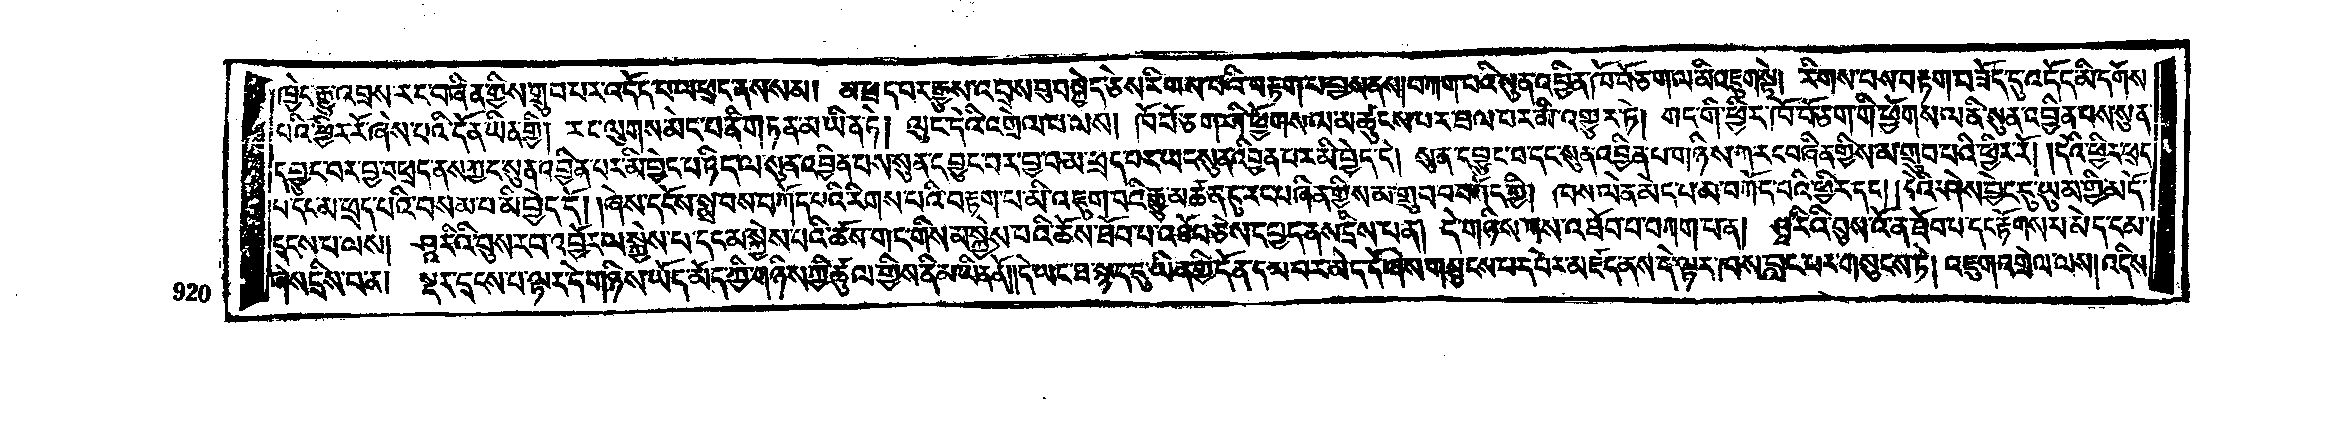ཁྱེད་རྒྱུ་འབྲས་རང་བཞིན་གྱིས་གྲུབ་པར་འདོད་པ་ལ་ཕྲད་ནས་སམ། མ་ཕྲད་པར་རྒྱུས་འབྲས་བུ་བསྐྱེད་ཅེས་རིགས་པའི་བརྟག་པ་བྱས་ནས། བཀག་པའི་སུན་འབྱིན་ཁོ་བོ་ཅག་ལ་མི་འཇུག་སྟེ། རིགས་པས་བརྟག་བཟོད་དུ་འདོད་མི་དགོས་
པའི་ཕྱིར་རོ་ཞེས་པའི་དོན་ཡིན་གྱི། རང་ལུགས་མེད་པ་ནི་གཏན་མ་ཡིན་ཏེ། ལུང་དེའི་འགྲེལ་པ་ལས། ཁོ་བོ་ཅག་གི་ཕྱོགས་ལ་མཚུངས་པར་ཐལ་བར་མི་འགྱུར་ཏེ། གང་གི་ཕྱིར་ཁོ་བོ་ཅག་གི་ཕྱོགས་ལ་ནི་སུན་འབྱིན་པས་སུན་
དབྱུང་བར་བྱ་བ་ཕྲད་ནས་ཀྱང་སུན་འབྱིན་པར་མི་བྱེད་པ་ཉིད་ལ་སུན་འབྱིན་པས་སུན་དབྱུང་བར་བྱ་བ་མ་ཕྲད་པར་ཡང་སུན་འབྱིན་པར་མི་བྱེད་དེ། སུན་དབྱུང་བ་དང་སུན་འབྱིན་པ་གཉིས་ཀ་རང་བཞིན་གྱིས་མ་གྲུབ་པའི་ཕྱིར་རོ། །དེའི་ཕྱིར་ཕྲད་
པ་དང་མ་ཕྲད་པའི་བསམ་པ་མི་བྱེད་དོ། །ཞེས་དངོས་སྨྲ་བས་བཀོད་པའི་རིགས་པའི་བརྟག་པ་མི་འཇུག་པའི་རྒྱུ་མཚན་དུ་རང་བཞིན་གྱིས་མ་གྲུབ་པ་བཀོད་ཀྱི། ཁས་ལེན་མེད་པ་མ་བཀོད་པའི་ཕྱིར་དང་། དེའི་ཤེས་བྱེད་དུ་ཡུམ་གྱི་མདོ་
དྲངས་པ་ལས། ཤཱ་རིའི་བུས་རབ་འབྱོར་ལ་སྐྱེས་པ་དང་མ་སྐྱེས་པའི་ཆོས་གང་གིས་མ་སྐྱེས་པའི་ཆོས་ཐོབ་པ་འཐོབ་ཅེས་དཔྱད་ནས་དྲིས་པ་ན། དེ་གཉིས་ཀས་འཐོབ་པ་བཀག་པ་ན། ཤཱ་རིའི་བུས་འོ་ན་ཐོབ་པ་དང་རྟོགས་པ་མེད་དམ་
ཞེས་དྲིས་པ་ན། སྔར་དྲངས་པ་ལྟར་དེ་གཉིས་ཡོད་མོད་ཀྱི་གཉིས་ཀྱི་ཚུལ་གྱིས་ནི་མ་ཡིན་ནོ། །དེ་ཡང་ཐ་སྙད་དུ་ཡིན་གྱི་དོན་དམ་པར་མེད་དོ་ཞེས་གསུངས་པ་དཔེར་མཛད་ནས་དེ་ལྟར་ཁས་བླང་བར་གསུངས་ཏེ། འཇུག་འགྲེལ་ལས། འདིས་